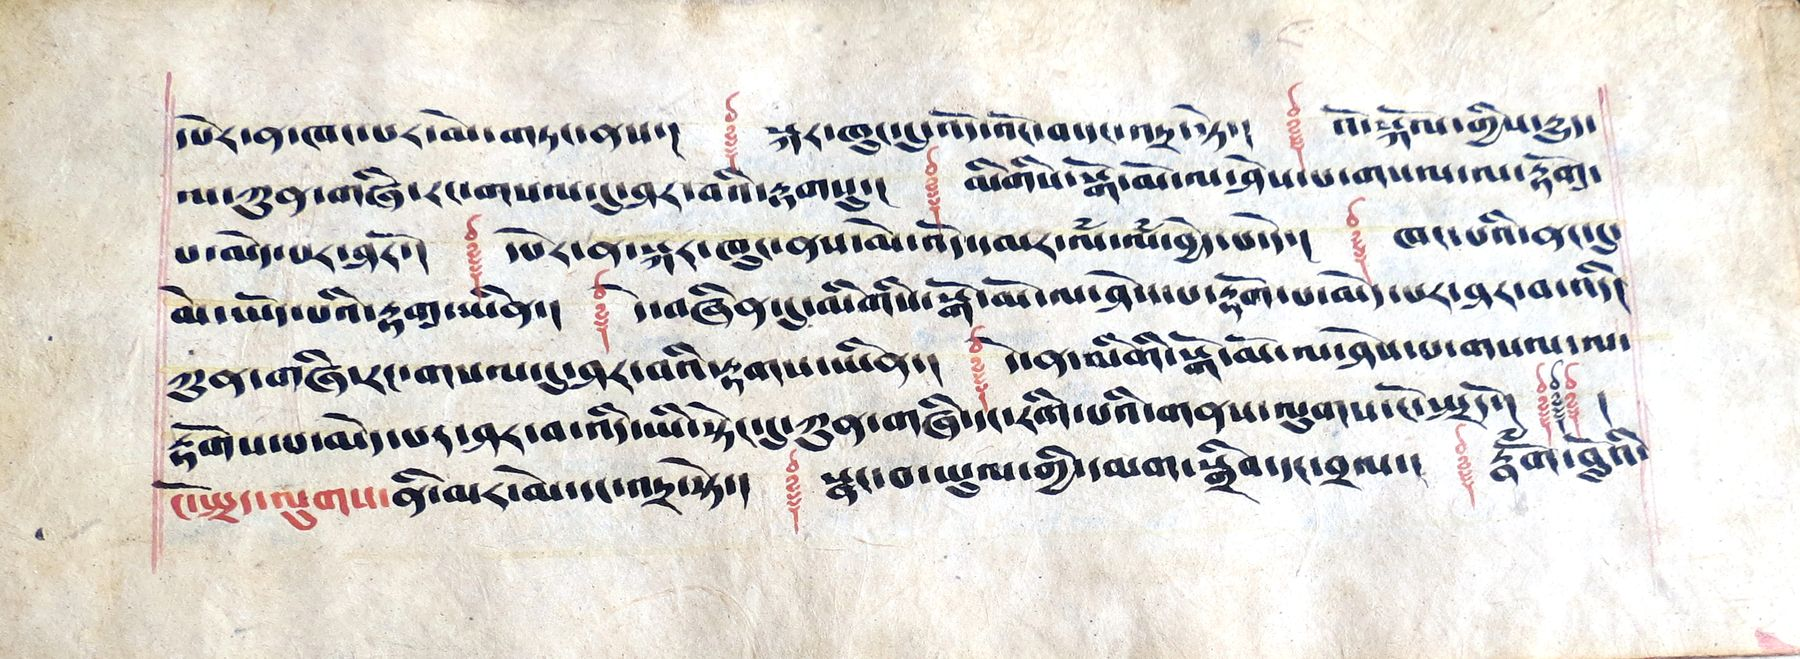དཔེར་ན་ཁང་པར་མེ་བཏང་ན། སྐར་ཁུང་དུ་འོད་འོང་བ་དང་འདྲ་སྟེ། འོ་སྐོལ་གྱི་རྒྱུད་
ལ་ཀུན་གཞི་རང་གསལ་དུ་ཤར་བའི་རྟགས་སུ། མིག་གི་སྒོ་མོ་ལ་ཤེས་པ་གསལ་ལ་རྟོག་
པ་མེད་པར་ཤར་རོ། །དཔེར་ན་སྐར་ཁུང་ནས་མེ་འོད་དམར་ལམ་ལམ་བྱེད་པ་དེ། ཁང་པའི་ནང་ན་
མེ་ཡོད་པའི་རྟགས་ཡིན། དེ་བཞིན་དུ་མིག་གི་སྒོ་མོ་ལ་ཤེས་པ་རྟོག་པ་མེད་པར་ཤར་བ་འདི། 
ཀུན་གཞི་རང་གསལ་དུ་ཤར་བའི་རྟགས་ཡིན། དེས་ན་མིག་གི་སྒོ་མོ་ལ་ཤེས་པ་གསལ་ལ་
རྟོག་པ་མེད་པར་ཤར་བ་དེའི་སྟེང་དུ་ཀུན་གཞི་དང་རང་རིག་པའི་གནས་ལུགས་ངོ་སྤྲད་དོ། །
ངོ་སྤྲོད་ལུགས་ནི་མར་མེ་དང་འདྲ་སྟེ། སྣང་བ་ཡུལ་གྱི་སྨག་སྒྲིབ་དང་བྲལ། རྣམ་རྟོག་བློའི་